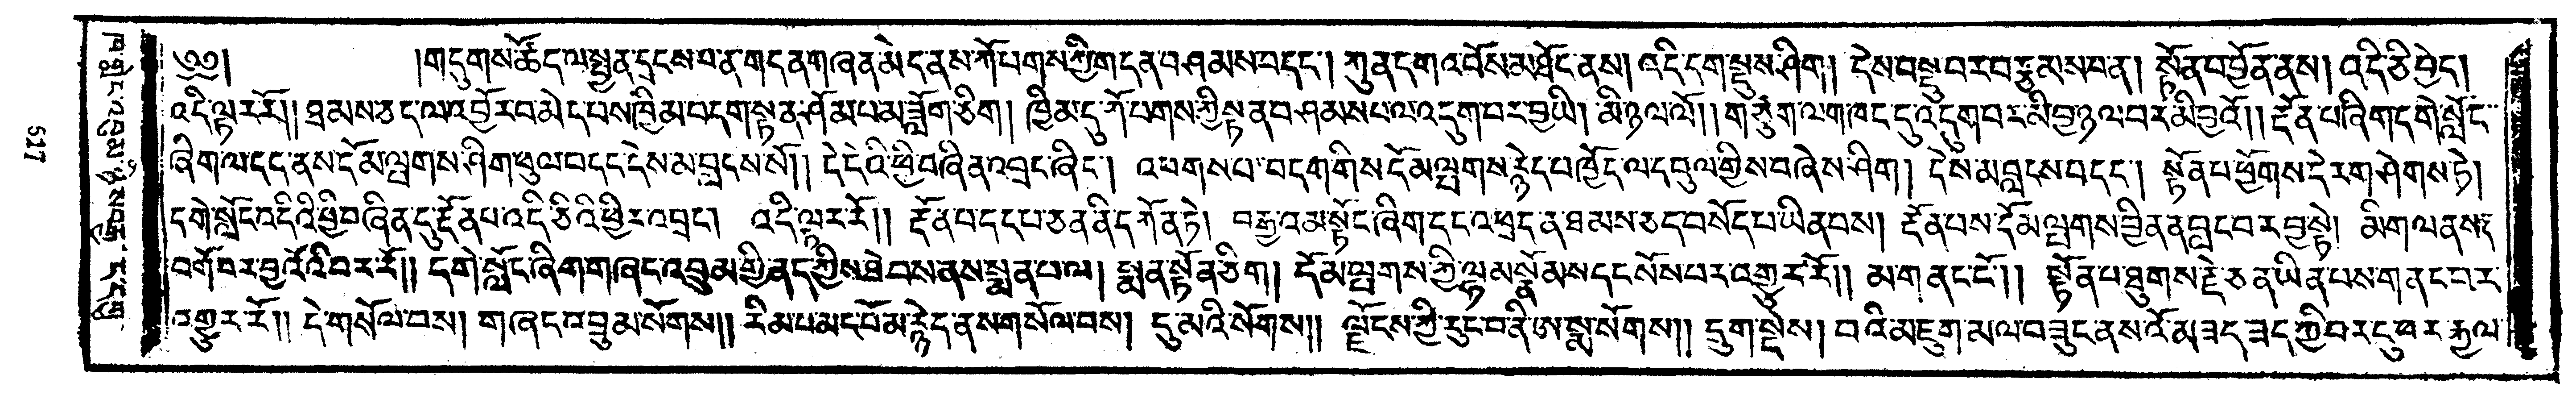༄༅། །གདུགས་ཚོད་ལ་སྤྱན་དྲངས་པ་ན་གདན་གཞན་མེད་ནས་ཀོ་པགས་ཀྱི་གདན་བཤམས་པ་དང་། ཀུན་དགའ་བོས་མཐོང་ནས། འདི་དག་སྡུས་ཤིག། དེས་བསྡུ་བར་བརྩམས་པ་ན། སྟོན་པ་བྱོན་ནས། འདི་ཅི་བྱེད།
འདི་ལྟར་རོ།། ཐམས་ཅད་ལ་འབྱོར་བ་མེད་པས་ཁྱིམ་བདག་སྟན་ཤོམ་པ་མ་ཟློག་ཅིག། ཁྱིམ་དུ་ཀོ་པགས་ཀྱི་སྟན་བཤམས་པ་ལ་འདུག་བར་བྱ་ཡི། མི་ཉལ་ལོ། །གཙུག་ལག་ཁང་དུ་འདུག་པར་མི་བྱ་ཉལ་བར་མི་བྱའོ།། རྡོན་བ་ཞིག་དགེ་སློང་
ཞིག་ལ་དད་ནས་དོམ་ལྤགས་ཤིག་ཕུལ་བ་དང་དེས་མ་བླངས་སོ།། དེ་དེའི་ཕྱི་བཞིན་འབྲང་ཞིང་། འཕགས་པ་བདག་གིས་དོམ་ལྤགས་རྙེད་པ་ཁྱོད་ལ་དབུལ་གྱིས་བཞེས་ཤིག། དེས་མ་བླངས་པ་དང་། སྟོན་པ་ཕྱོགས་དེར་བཤེགས་ཏེ།
དགེ་སློང་འདིའི་ཕྱི་བཞིན་དུ་རྔོན་པ་འདི་ཅིའི་ཕྱིར་འབྲང་། འདི་ལྟར་རོ།། རྡོན་པ་དང་པ་ཅན་ནི་དཀོན་ཏེ། བརྒྱའམ་སྟོང་ཞིག་དང་འཕྲད་ན་ཐམས་ཅད་བསོད་པ་ཡིན་པས། རྔོན་པས་དོམ་ལྤགས་བྱིན་ན་བླང་བར་བྱ་སྟེ། མིག་ལ་ནས༑
བགོ་བར་བྱའོའི་བར་རོ།། དགེ་སློང་ཞིག་གཞང་འབྲུམ་གྱི་ནད་ཀྱིས་ཐེབས་ནས་སྨན་པ་ལ། སྨན་སྟོན་ཅིག། དོམ་ལྤགས་ཀྱི་ལྷམ་སྣོམས་དང་སོས་པར་འགྱུར་རོ།། མ་གནང་ངོ།། སྟོན་པ་ཐུགས་རྗེ་ཅན་ཡིན་པས་གནང་བར་
འགྱུར་རོ།། དེ་གསོལ་བས། གཞང་འབྲུམ་སོགས།། རིམ་པ་མང་པོ་མ་རྙེད་ནས་གསོལ་བས། དུ་མའི་སོགས།། ལྗོངས་ཀྱི་རུང་བ་ནི་ཨ་སྨ་སོགས།། དྲུག་སྡེས། བའི་མཇུག་མ་ལ་བཟུང་ནས་འོ་མ་ཟད་ཟད་ཀྱི་བར་དུ་ཕར་རྐྱལ་